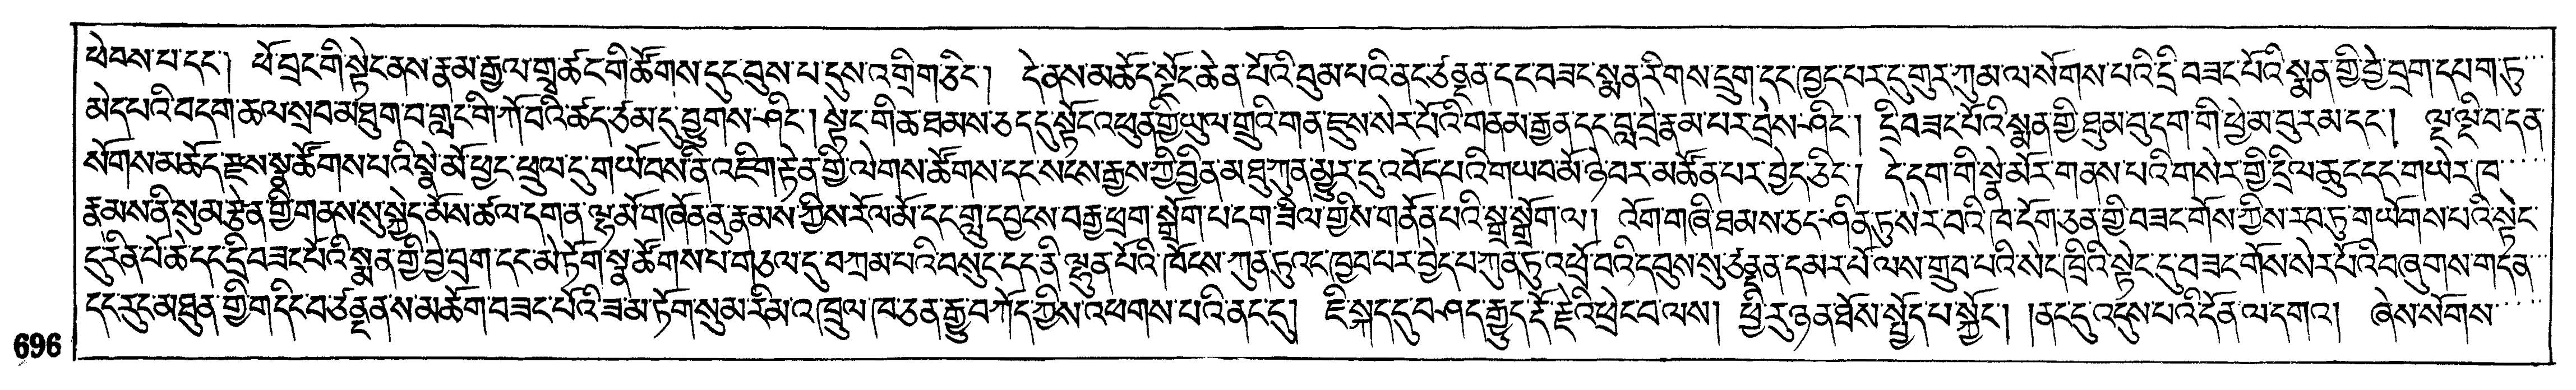ཕེབས་པ་དང་། ཕོ་བྲང་གི་སྟེང་ནས་རྣམ་རྒྱལ་གྲྭ་ཚང་གི་ཚོགས་དུང་བུས་པ་དུས་འགྲིག་ཅིང་། དེ་ནས་མཆོང་སྡོང་ཆེན་པོའི་བུམ་པའི་ནང་ཙནྡན་དང་བཟང་སྨན་རིགས་དྲུག་དང་ཁྱད་པར་དུ་གུར་ཀུམ་ལ་སོགས་པའི་དྲི་བཟང་པོའི་སྨན་གྱི་བྱེ་བྲག་དཔག་ཏུ་
མེད་པའི་བདག་ཆལ་སྲབ་མཐུག་བ་གླང་གི་ཀོ་བའི་ཚད་ཙམ་དུ་བྱུགས་ཤིང་། སྟེང་གི་ཆ་ཐམས་ཅད་དུ་སྟོབ་འཁུན་གྱི་ཡུལ་གྲུའི་གན་ཇུས་སེར་པོའི་གནམ་རྒྱན་དང་བླ་བྲེ་རྣམ་པར་བྲེས་ཤིང་། དྲི་བཟང་པོའི་སྨན་གྱི་ཐུམ་བུ་དག་གི་ཕྱེ་མ་ཕུར་མ་དང་། ལྔ་ལྡི་བ་དན་
སོགས་མཆོད་རྫས་སྣ་ཚོགས་པའི་སྣེ་མོ་བྱང་ཕྲུལ་དུ་གཡོ་བས་ནི་འཇིག་རྟེན་གྱི་ལེགས་ཚོགས་དང་སངས་རྒྱས་ཀྱི་བྱིན་མཐུ་ཀུན་མྱུར་དུ་འབོད་པའི་གཡབ་མོ་ཉེ་བར་མཚོན་པར་བྱེད་ཅིང་། དེ་དག་གི་སྣེ་མོར་གནས་པའི་གསེར་གྱི་དྲིལ་ཆུང་དང་གཡེར་ཁ་
རྣམས་ནི་སུམ་རྩེན་གྱི་གནས་སུ་སྐྱེད་མོས་ཚལ་དགན་ལྷ་མོ་གཞོན་ནུ་རྣམས་ཀྱིས་རོལ་མོ་དང་གླུ་དབྱངས་བརྒྱ་ཕྲག་སྒྲོག་པ་དག་ཟིལ་གྱིས་གནོན་པའི་སྒྲ་སྒྲོག་ལ། འོག་གཞི་ཐམས་ཅད་ཤིན་ཏུ་སེར་བའི་ཁ་དོག་ཅན་གྱི་བཟང་གོས་ཀྱིས་རབ་ཏུ་གཡོགས་པའི་སྟང་
དུ་རིན་པོ་ཆེ་དང་དྲི་བཟང་བོའི་སྨན་གྱི་བྱེ་བྲག་དང་མེ་ཏོག་སྣ་ཚོགས་བ་གཅལ་དུ་བཀྲམ་པའི་བསུང་དང་ནི་ལྷུན་པོའི་ཁོངས་ཀུན་ཏུའང་ཁྱབ་པར་བྱེད་པ་ཀུན་ཏུ་འཕྲོ་བའི་དབུས་སུ་ཙནྡན་དམར་པོ་ལས་གྲུབ་པའི་སེང་ཁྲིའི་སྟེང་དུ་བཟང་གོས་སེར་པོའི་བཞུགས་གང་ན་
དང་རུང་མཐུན་གྱི་གདིང་བ་ཙནྡན་ས་མཆོག་བཟང་པོའི་ཟ་མ་ཏོག་སུམ་རིམ་འཁྲུལ་ཁ་ཅན་རྒྱུ་བཀོད་ཀྱིས་འཕགས་པའི་ནད་དུ། ཇི་སྐད་དུ་བཤང་རྒྱུད་རྡོ་རྗེ་འཕྲེང་བ་ལས། ཕྱི་རུ་ཉན་ཐོས་སྤྱོད་པ་སྐྱོང་། །ནང་དུ་འདུས་པའི་དོན་ལ་དགའ། ཞེས་སོགས་